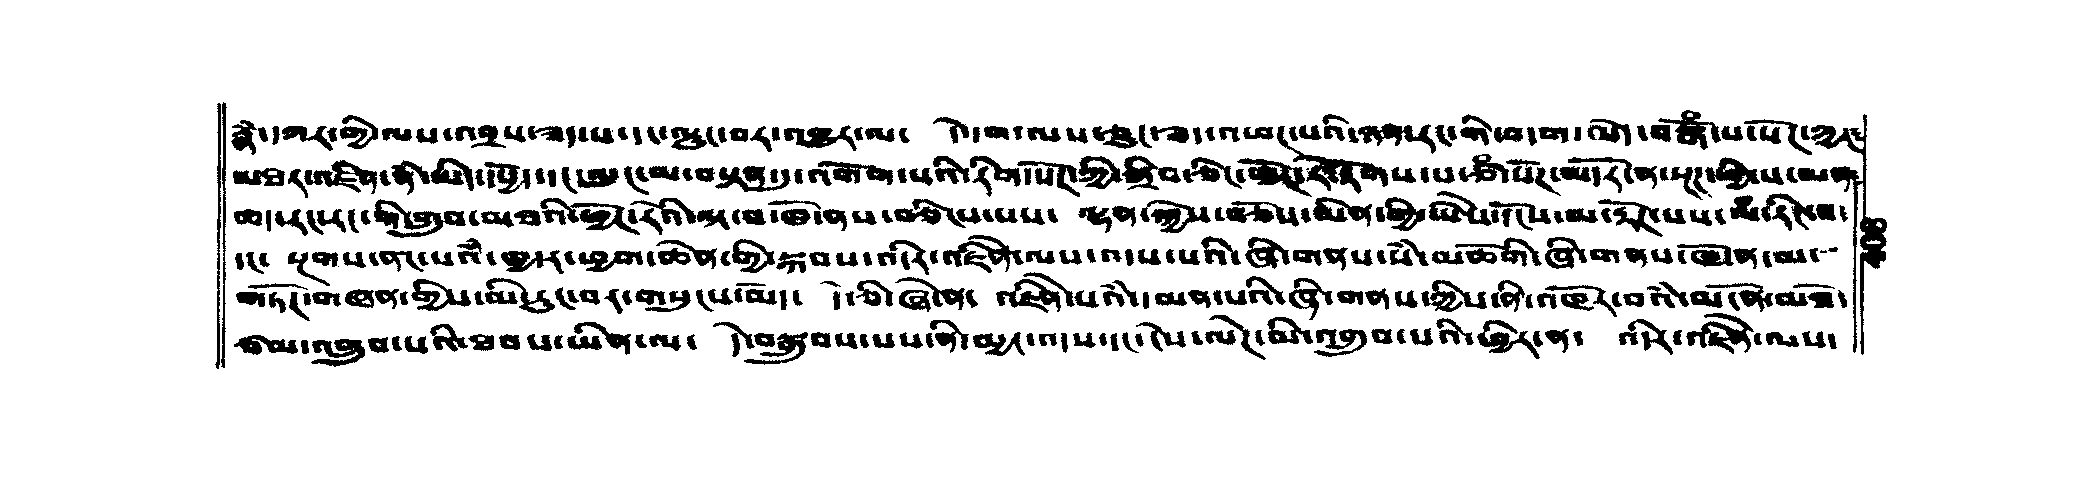རྣམ་དཀར་གྱི་ལས་འབྲས་ཟད་པ་དང་ལྟུང་བར་འགྱུར་ལ། དེ་དག་ལས་ཅུང་ཟད་འཕགས་པའི་ཉན་རང་གི་བདག་མེད་བསྒོམ་པ་སོགས་ཀྱང་
མཐར་འཛིན་ནམ་ཡིད་དཔྱོད་དང་ལུང་མ་བསྟན་དུ་འགོག་པའི་རིག་སོགས་ཀྱི་སྒྲིབ་ཅིང་ཕྱོགས་རེ་རྟོགས་པ་ཙམ་སོགས་མདོར་ན་སྔགས་ཕྱི་པ་མན་
ཆད་རང་རང་གི་གྲུབ་མཐའི་ཕྱོགས་རེའི་ལྟ་བ་ཁོ་ནས་བཅིངས་པས།ལྷན་སྐྱེས་བཅོས་མིན་གྱི་ཡེ་ཤེས་དངོས་མ་རྟོགས་པས་ལམ་རིང་བ་
དང་། སྔགས་ནང་པའམ་ཁྱད་པར་ཕྱག་ཆེན་གྱི་སྐབས་འདིར་འཇིག་རྟེན་ལས་འདས་པའི་ཞི་གནས་སམ་མཆོག་གི་ཞི་གནས་ཁོ་ན་མ་
གཏོགས་གཞན་གྱིས་མི་རུང་བར་གསུངས་མོད། དེ་ཅི་ཞེ་ན། འཇིག་རྟེན་པའམ་དམན་པའི་ཞི་གནས་ཀྱིས་ནི་འཁོར་བའམ་མངོན་མཐོ་
ཙམ་འགྲུབ་པའི་ཐབས་ཡིན་ལ། དེ་བསྒྲུབས་པས་ནི་མྱང་འདས་དང་ངེས་ལེགས་མི་འགྲུབ་པའི་ཕྱིར་ན། འདིར་འཇིག་རྟེན་ལས་